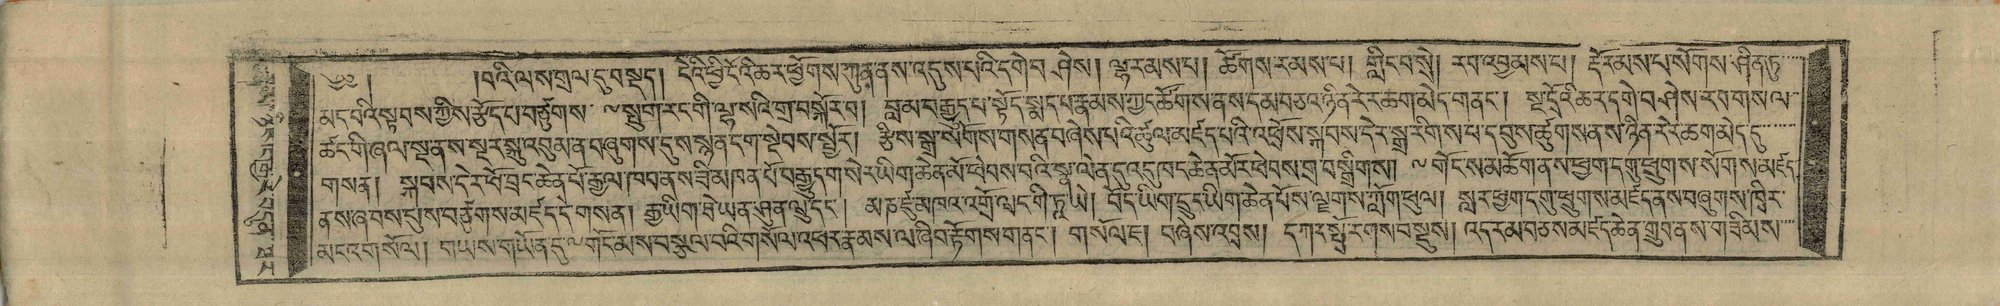༄༅། །བའི་ལས་གྲལ་དུ་བསྡད། དེའི་ཕྱི་ངོའི་ཆར་ཕྱོགས་ཀུན་ནས་འདུས་པའི་དགེ་བཤེས། ལྷ་རམས་པ། ཚོགས་རམས་པ། གླིང་བསྲེ། རབ་འབྱམས་པ། རྡོ་རམས་པ་སོགས་ཤིན་ཏུ་
མང་བའི་སྟབས་ཀྱིས་རྩོད་པ་བཙུགས་༧སྤུག་རང་གི་ལྷ་སའི་གྲ་བསྐོར་བ། བླ་མ་བརྒྱུད་པ་སྟོད་སྨད་པ་རྣམས་ཀྱང་ཚོགས་ནས་དམ་བཅའ་ཉིན་རེར་ཆག་མེད་གནང་། སྔ་དྲོའི་ཆར་དགེ་བཤེས་རབ་གསལ་
ཚང་གི་ཞལ་སྔ་ནས་སྔར་སྐུ་འབུམ་ན་བཞུགས་དུས་སྙན་ངག་སྡེབས་སྦྱོར། རྩིས་སྒྲ་སོགས་གསན་བཞེས་པའི་ཚུལ་མཛད་པའི་འཕྲོས་སྐབས་དེར་སྒྲ་རིགས་པ་དབུས་ཚུགས་ནས་ཉིན་རེར་ཆག་མེད་དུ་
གསན༑ སྐབས་དེར་ཕོ་བྲང་ཆེན་པོ་རྒྱལ་ཁབ་ནས་ཟི་མཁན་པོ་བརྒྱུད་གསེར་ཡིག་ཆེན་མོ་ཕེབས་བའི་སྣ་ལེན་དུ་འདུ་ཁང་ཆེན་མོར་ཕེབས་གྲ་བསྒྲིགས། ༧གོང་ས་མཆོག་ནས་ཕྱག་དགུ་ཕྲུགས་སོགས་མཛད་
ནས་ཞབས་པུས་བཙུགས་མཛད་དེ་གསན། རྒྱ་ཡིག་ཐེ་ཡན་ཤུན་ཝུ་དང་། མཎ་ཛུ་མཁའ་འགྲོ་ཝང་གི་ཏཱ་ཡེ། བོད་ཡིག་དྲུང་ཡིག་ཆེན་པོས་ལྗགས་ཀློག་ཕུལ། སླར་ཕྱག་དགུ་ཕྲུགས་མཛད་ནས་བཞུགས་ཁྲིར་
མངའ་གསོལ། གཡས་གཡོན་དུ་༧གོང་མས་བསྩལ་བའི་གསོལ་འཕར་རྣམས་ལ་ཞིབ་རྟོགས་གནང་། གསོལ་ཇ། བཞེས་འབྲས། དཀར་སྤྲོ་རགས་བསྡུས། འདར་མ་བཅས་མཛད་ཆེན་གྲུབ་ནས་གཟིམས་